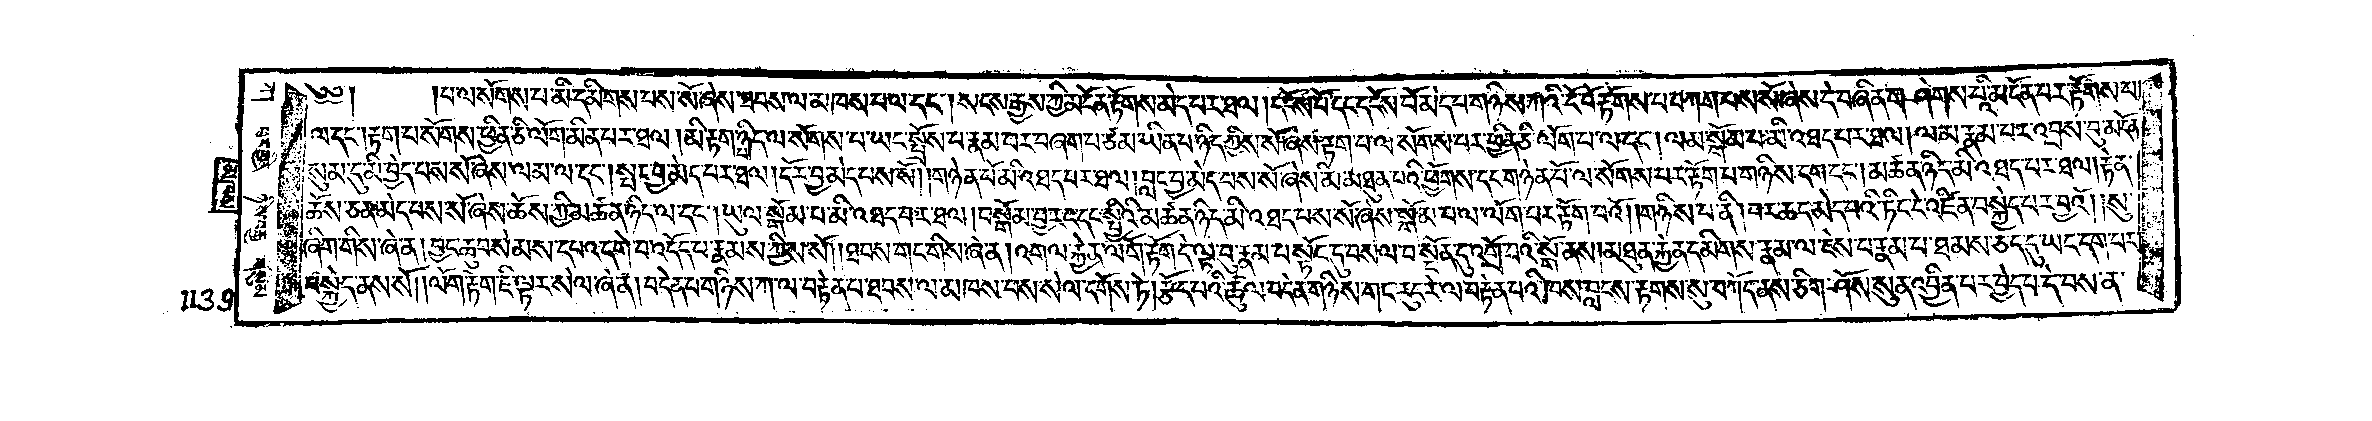༄༅། །པ་ལ་སོགས་པ་མི་དམིགས་པས་སོ་ཞེས་ཐབས་ལ་མཁས་པ་ལ་དང་། སངས་རྒྱས་ཀྱི་མངོན་རྟོགས་མེད་པར་ཐལ། དངོས་པོ་དང་དངོས་པོ་མེད་པ་གཉིས་ཀའི་ངོ་བོ་རྟོགས་པ་བཀག་པས་སོ་ཞེས་དེ་བཞིན་གཤེགས་པའི་མངོན་པར་རྟོགས་པ་
ལ་དང་། རྟག་པ་སོགས་ཕྱིན་ཅི་ལོག་མིན་པར་ཐལ། མི་རྟག་པ་ཉིད་ལ་སོགས་པ་ཡང་སྤྲོས་པ་རྣམ་པར་བཞག་པ་ཙམ་ཡིན་པ་ཉིད་ཀྱིས་སོ་ཞེས་རྟག་པ་ལ་སོགས་པར་ཕྱིན་ཅི་ལོག་པ་ལ་དང་། ལམ་སྒོམ་པ་མི་འཐད་པར་ཐལ། ལམ་རྣམ་པར་འབྲས་བུ་མངོན་
སུམ་དུ་མི་བྱེད་པས་སོ་ཞེས་ལམ་ལ་དང་། སྤང་བྱ་མེད་པར་ཐལ། དོར་བྱ་མེད་པས་སོ། །གཉེན་པོ་མི་འཐད་པར་ཐལ། བླང་བྱ་མེད་པས་སོ་ཞེས་མི་མཐུན་པའི་ཕྱོགས་དང་གཉེན་པོ་ལ་སོགས་པར་རྟོག་པ་གཉིས་དག་དང་། མཚན་ཉིད་མི་འཐད་པར་ཐལ། རྟེན་
ཆོས་ཅན་མེད་པས་སོ་ཞེས་ཆོས་ཀྱི་མཚན་ཉིད་ལ་དང་། ཡུལ་སྒོ། པ་མི་འཐད་པར་ཐལ། བསྒོམ་བྱ་རང་དང་སྤྱིའི་མཚན་ཉིད་མི་འཐད་པས་སོ་ཞེས་སྒོམ་པ་ལ་ལོག་པར་རྟོག་པའོ། །གཉིས་པ་ནི། བར་ཆད་མེད་པའི་ཏིང་ངེ་འཛིན་བཀྱེད་པར་བྱའོ། །སུ་
ཞིག་གིས་ཞེ་ན། བྱང་ཆུབ་སེམས་དཔའ་དགེ་བ་འདོད་པ་རྣམས་ཀྱིས་སོ། །ཐབས་གང་གིས་ཞེ་ན། འགལ་རྐྱེན་ལོག་རྟོག་དེ་ལྟ་བུ་རྣམ་པ་སྟོང་དུ་བསལ་བ་སྔོན་དུ་འགྲོ་བའི་སྒོ་ནས། མཐུན་རྐྱེན་དམིགས་རྣམ་ལ་རྗེས་པ་རྣམ་པ་ཐམས་ཅད་དུ་ཡང་དག་པར་
བསྐྱེད་ནས་སོ། །ལོག་རྟོག་ཇི་ལྟར་སེལ་ཞེ་ན། བདེན་པ་གཉིས་ཀ་ལ་བརྟེན་པ་ཐབས་ལ་མཁས་པས་སེལ་དགོས་ཏེ། རྩོད་པའི་ཚུལ་བདེན་གཉིས་གང་རུང་རེ་ལ་བརྟེན་པའི་ཁས་བླངས་རྟགས་སུ་བཀོད་ནས་ཅིག་ཤོས་སུན་འབྱིན་པར་བྱེད་པ་དེ་བས་ན་